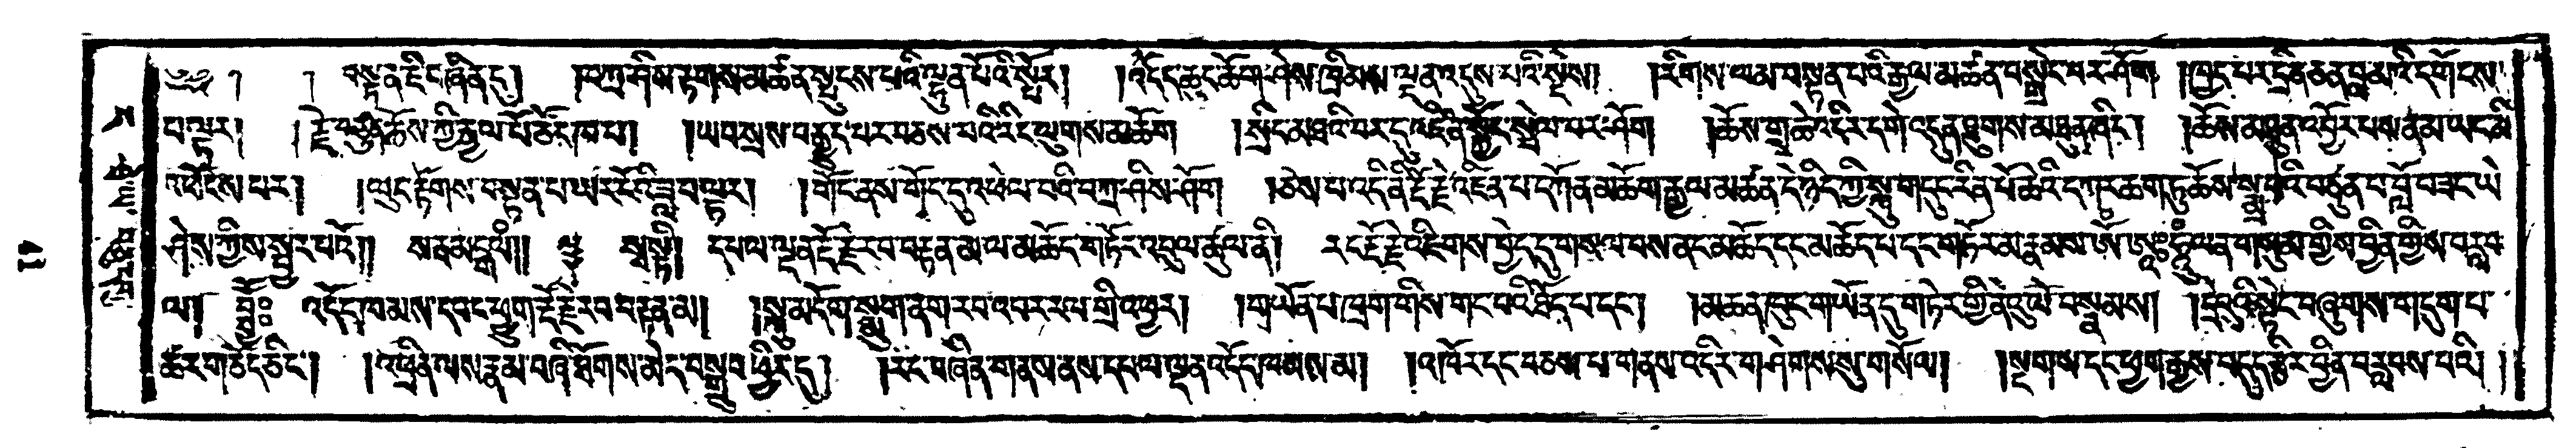༄༅། །བསྟན་ཇི་བཞིན་དུ། །བཀྲ་ཤིས་རྟགས་མཚན་སྤུངས་པའི་ལྷུན་པོའི་སྤོར། །འདོད་ཆུང་ཆོག་ཤེས་ཁྲིམས་ལྡན་འདུས་པའི་སྡེས། །རིགས་ལམ་བསྟན་པའི་རྒྱལ་མཚན་བསྒྲེང་བར་ཤོག །ཁྱད་པར་དྲིན་ཅན་བླ་མའི་དགོངས་
པ་ལྟར། །རྗེ་བཙུན་ཆོས་ཀྱི་རྒྱལ་པོ་ཙོང་ཁ་པ། །ཡབ་སྲས་བརྒྱུད་པར་བཅས་པའི་རིང་ལུགས་མཆོག །སྲིང་མཐའི་བར་དུ་འཛིན་སྐྱོང་སྤེལ་པར་ཤོག །ཆོས་གྲྭ་ཆེ་འདིར་དགེ་འདུན་ཐུགས་མཐུན་ཞིང་། །ཆོས་མཐུན་འབྱོར་པས་ནམ་ཡང་མི་
འཕོངས་པར། །ལུང་རྟོགས་བསྟན་པ་ཡར་ངོའི་ཟླ་བ་ལྟར། །གོང་ནས་གོང་དུ་འཕེལ་བའི་བཀྲ་ཤིས་ཤོག །ཅེས་པ་འདི་ནི་རྡོ་རྗེ་འཛིན་པ་དཀོན་མཆོག་རྒྱལ་མཚན་དེ་ཉིད་ཀྱི་སྐུ་གདུང་རིན་པོ་ཆེའི་དཀར་ཆག་ཏུ་ཆོས་སྨྲ་བའི་བཙུན་པ་བློ་བཟང་ཡེ་
ཤེས་ཀྱིས་སྦྱར་པའོ།། སརྦ་མངྒལཾ། ༈ སྭསྟི། དཔལ་ལྡན་རྡོ་རྗེ་རབ་བརྟན་མ་ལ་མཆོད་གཏོར་འབུལ་ཚུལ་ནི། རང་རྡོ་རྗེ་འཇིགས་བྱེད་དུ་གསལ་བས་ནང་མཆོད་དང་མཆོད་པ་དང་གཏོར་མ་རྣམས་ཨོཾ་ཨཱཿ ཧཱུཾ་ལན་གསུམ་གྱིས་བྱིན་གྱིས་བརླབ་
ལ། བྷྱཽཿ འདོད་ཁམས་དབང་ཕྱུག་རྡོ་རྗེ་རབ་བརྟན་མ། །སྐུ་མདོག་སྨུག་ནག་རབ་འབར་རལ་གྲི་འཕྱར། །གཡོན་པ་ཁྲག་གིས་གང་བའི་ཐོད་པ་དང་། །མཆན་ཁུང་གཡོན་དུ་གཏེར་གྱི་ནེའུ་ལེ་བསྣམས། །དྲེའུའི་སྟེང་བཞུགས་གདུག་པ་
ཚར་གཅོད་ཅིང་། །འཕྲིན་ལས་རྣམ་བཞི་ཐོགས་མེད་བསྒྲུབ་ཕྱིར་དུ། །རང་བཞིན་གནས་ནས་དཔལ་ལྡན་འདོད་ཁམས་མ། །འཁོར་དང་བཅས་པ་གནས་འདིར་གཤེགས་སུ་གསོལ། །སྔགས་དང་ཕྱག་རྒྱས་བདུད་རྩིར་བྱིན་བརླབས་པའི། །